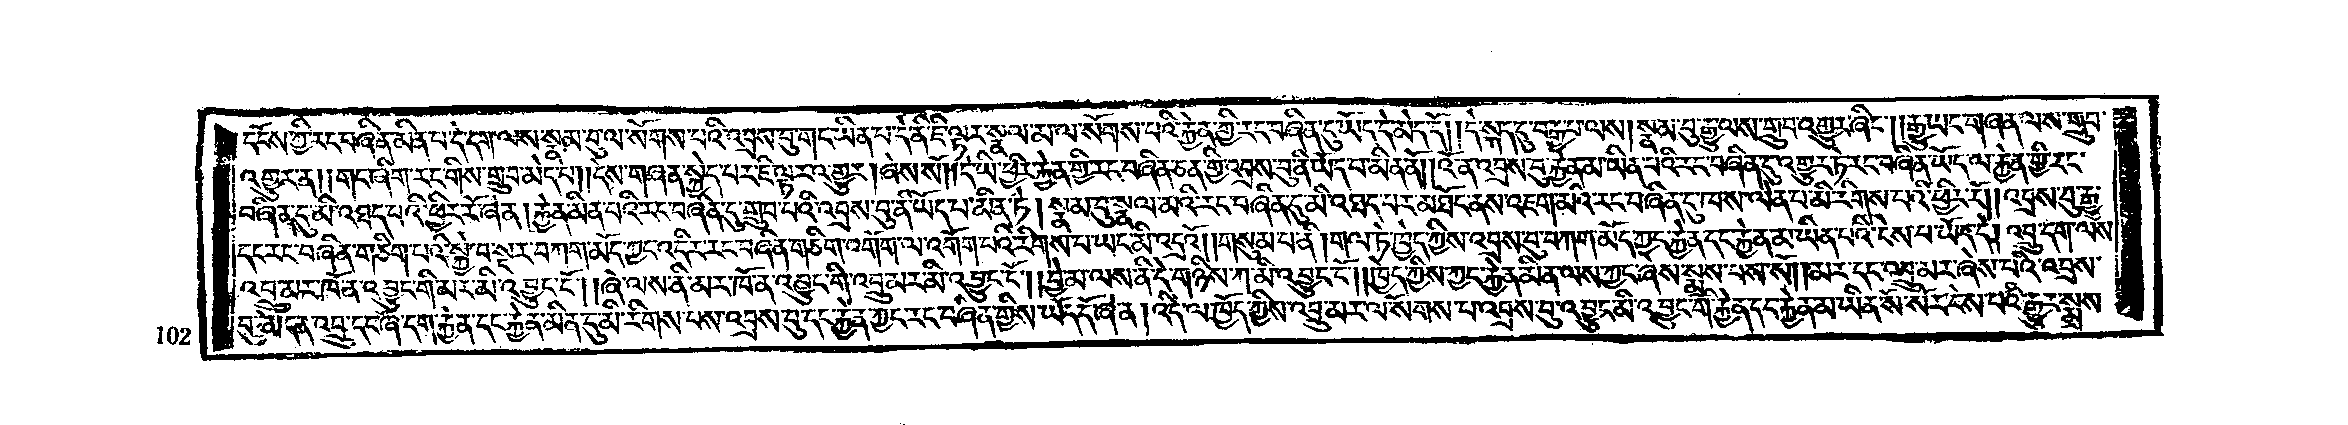དངོས་ཀྱི་རང་བཞིན་མིན་པ་དེ་དག་ལས་སྣམ་བུ་ལ་སོགས་པའི་འབྲས་བུ་གང་ཡིན་པ་དེ་ནི་ཇི་ལྟར་སྣལ་མ་ལ་སོགས་པའི་རྐྱེན་གྱི་རང་བཞིན་དུ་ཡོད་དེ་མེད་དོ། །དེ་སྐད་དུ་བརྒྱ་པ་ལས། སྣམ་བུ་རྒྱུ་ལས་གྲུབ་འགྱུར་ཞིང་། །རྒྱུ་ཡང་གཞན་ལས་གྲུབ་
འགྱུར་ན། །གང་ཞིག་རང་གིསག་རུབ་མེད་པ། །དེས་གཞན་སྐྱེད་པར་ཇི་ལྟར་འགྱུར། ཞེ་སོ། །དེ་ཡི་ཕྱིར་རྐྱེན་གྱི་རང་བཞིན་ཅན་གྱི་འབྲས་བུ་ནི་ཡོད་པ་མིན་ནོ། །འོ་ན་འབྲས་བུ་རྐྱེན་མ་ཡིན་པའི་རང་བཞིན་དུ་འགྱུར་ཏེ་རང་བཞིན་ཡོད་པ་ལ་རྐྱེན་གྱི་རང་
བཞིན་དུ་མི་འཐད་པའི་ཕྱིར་རོ་ཞེ་ན། རྐྱེན་མིན་པའི་རང་བཞིན་དུ་གྲུབ་པའི་འབྲས་བུ་ནི་ཡོད་པ་མིན་ཏེ། སྣམ་བུ་སྣལ་མའི་རང་བཞིན་དུ་མི་འཐད་པར་མཐོང་ནས་འཇིག་མའི་རང་བཞིན་དུ་ཁས་ལེན་པ་མི་རིགས་པའི་ཕྱིར་རོ། །འབྲས་བུ་རྒྱུ་
དང་རང་བཞིན་གཅིག་པའི་སྐྱེ་བ་སྔར་བཀག་མོད་ཀྱང་འདིར་རང་བཞིན་གཅིག་འགོག་ལ་འགོག་པའི་རིགས་པ་ཡང་མི་འདྲའོ། །གསུམ་པ་ནི། གལ་ཏེ་ཁྱེད་ཀྱིས་འབྲས་བུ་བཀག་མོད་ཀྱང་རྐྱེན་དང་རྐྱེན་མ་ཡིན་པའི་ངེས་པ་ཡོད་དེ། འབྲུ་དག་ལས་
འབྲུ་མར་ཁོ་ན་འབྱུང་གི་མར་མི་འབྱུང་ངོ། །ཞེ་ལས་ནི་མར་ཁོ་ན་འབྱུང་གི་འབྲུ་མར་མི་འབྱུང་ངོ། །བྱེ་མ་ལས་ནི་དེ་གཉིས་ཀ་མི་འབྱུང་ངོ། །ཁྱེད་ཀྱིས་ཀྱང་རྐྱེན་མིན་ལས་ཀྱང་ཞེས་སྨྲས་པས་སོ། །མར་དང་འབྲུ་མར་ཞེས་པའི་འབྲས་
བུ་མེད་ན་འབྲུ་དང་ཞོ་དག་རྐྱེན་དང་རྐྱེན་མིན་དུ་མི་རིགས་པས་འབྲས་བུ་དང་རྐྱེན་ཀྱང་རང་བཞིན་གྱིས་ཡོད་དོ་ཞེ་ན། འདི་ལ་ཁྱོད་ཀྱིས་འབྲུ་མར་ལ་སོགས་པ་འབྲས་བུ་འབྱུང་མི་འབྱུང་གི་རྐྱེན་དང་རྐྱེན་མ་ཡིན་སོ་སོར་ངེས་པའི་རྒྱུར་སྨྲས་